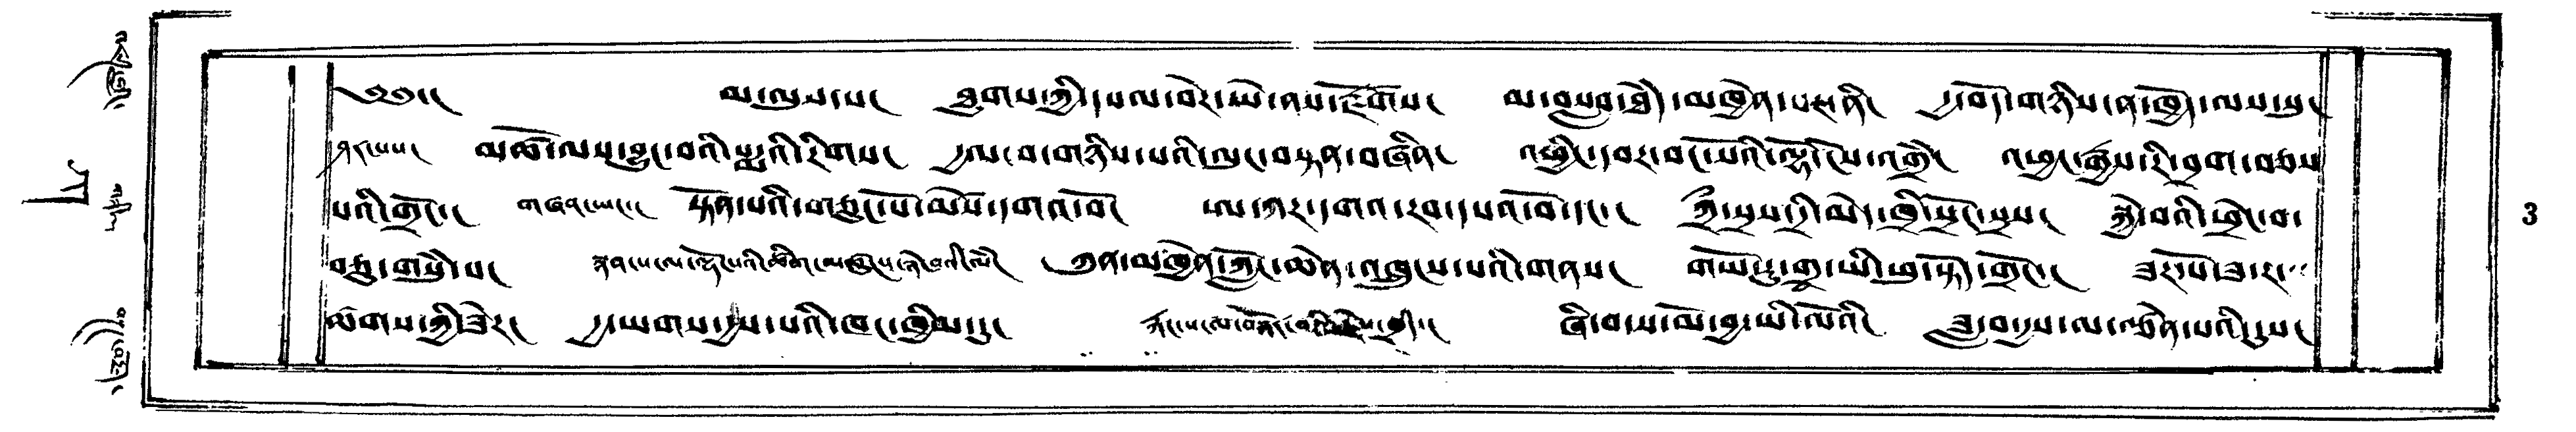མ་ལུས་པ། །ཐུགས་ཀྱི་དཔལ་བེར་ཡེ་ནས་རྫོགས། །མ་བསླབ་ཐམས་ཅད་མཁྱེན་པ་ནི། །རྒྱ་བོད་གཉིས་ན་ཁྱོད་ལས་སུ། ། 
ཤར་པས། མཚོ་ལས་བྱུང་བའི་པདྨའི་རིགས། །རྒྱལ་བ་གཉིས་པའི་ལུང་བསྟན་བཞིན། །འཕྱིང་དབར་བང་སོའི་ལྷོ་ངོས་འགྲམ། །འཕྱོངས་རྒྱས་རི་བྲག་བཅས་
པའི་གྲོང་། ། གཞན་ཡང་། སྟོན་པའི་གཅུང་པོ་མཛེས་དགའ་བོ། །ཨ་དཀར་དགའ་རབ་དཔའ་བོ་དང་། །ཀྲྀ་སྲས་དྲི་མེད་ཁྲི་སྲོང་སྲས། །སྐྱེ་བའི་ཕྲེང་བ་
བཅུ་གསུམ་པ། ། སྙན་པ་ལ་ལྷོ་པའི་ཚིག་མཚུངས་ཉེ་བའི་ལམ། ཀུན་མཁྱེན་ཀློང་ཆེན་འཁྲུངས་པའི་གནས། །གཡོ་རུ་གྲྭ་ཡི་ཕུ་སྟོད་གྲོང་། །ཟར་པོ་ཟ་ར་
ཚགས་ཀྱི་ཟེར། ། རྒྱ་ཡགས་རྒྱས་པའི་ཁང་ཁྱིམ་དུ། ། རྐང་པ་ལ་བསྐོར་བའི་རྗེས་ཁྲིད། ཞི་བ་ས་མོ་བྱ་ཡི་ལོའི། ། ཟླ་བ་རྒྱས་ལ་རྩེན་པའི་དུས། །